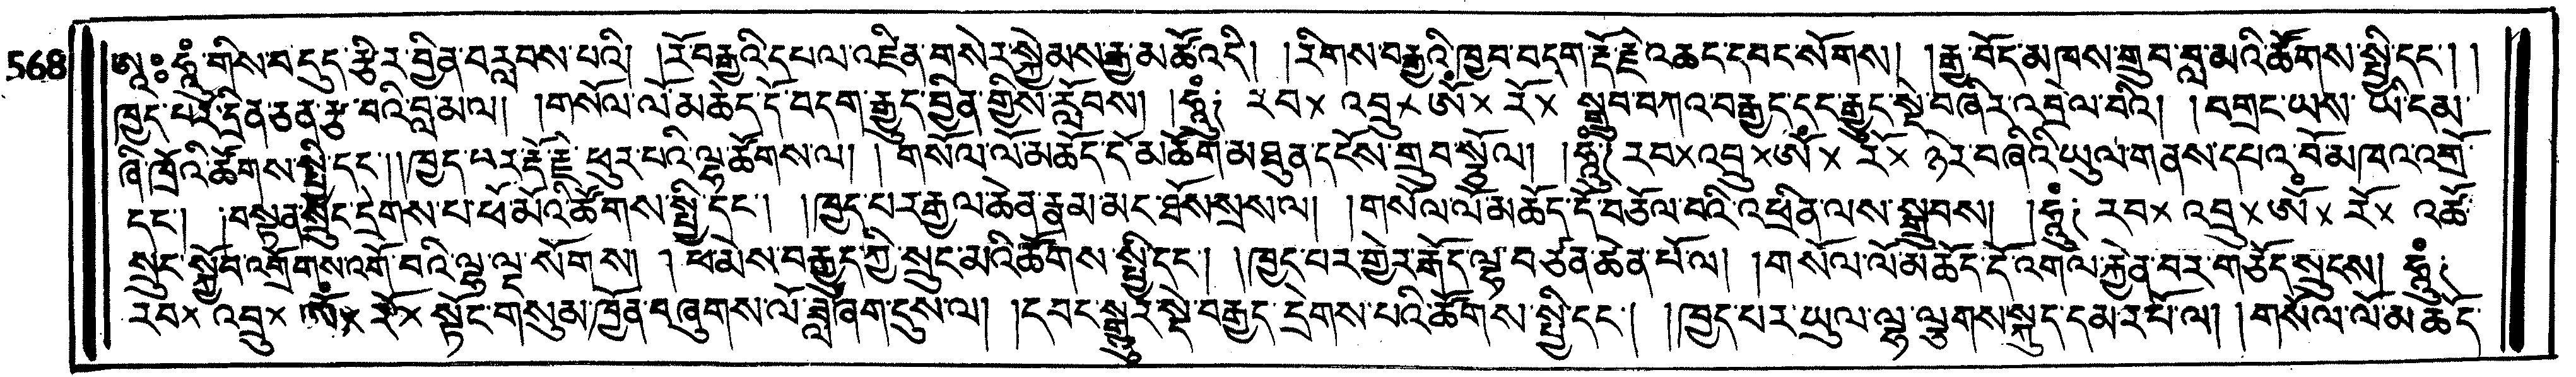ཨཱཿ ཧཱུཾ་གིས་བདུད་རྩིར་བྱིན་བརླབས་པའི། །རོ་བརྒྱའི་དཔལ་འཛིན་གསེར་སྐྱེམས་རྒྱ་མཚོ་འདི། །རིགས་བརྒྱའི་ཁྱབ་བདག་རྡོ་རྗེ་འཆང་དབང་སོགས། །རྒྱ་བོད་མཁས་གྲུབ་བླ་མའི་ཚོགས་སྤྱི་དང་། །
ཁྱད་པར་དྲིན་ཅན་རྩ་བའི་བླ་མ་ལ། །གསོལ་ལོ་མཆེད་དོ་བདག་རྒྱུད་བྱིན་གྱིས་རློབས། །ཧཱུཾ༑ རབ་྾་འབྲུ་྾་ཨོཾ་྾་རོ་྾་སྒྲུབ་བཀའ་བརྒྱད་དང་རྒྱུད་སྡེ་བཞིར་འབྲེལ་བའི། །བགྲང་ཡས་ཡི་དམ་
ཞི་ཁྲོའི་ཚོགས་སྤྱི་དང་། །ཁྱད་པར་རྡོ་རྗེ་ཕུར་པའི་ལྷ་ཚོགས་ལ། །གསོལ་ལོ་མཆོད་དོ་མཆོག་མཐུན་དངོས་གྲུབ་སྩོལ། །ཧཱུཾ༑ རབ་྾་འབྲུ་྾་ཨོཾ་྾་རོ་྾་ཉེར་བཞིའི་ཡུལ་གནས་དཔའ་བོ་མཁའ་འགྲོ་
དང་། །བསྟན་སྲུང་དྲེགས་པ་ཕོ་མོའི་ཚོགས་སྤྱི་དང་། །ཁྱད་པར་རྒྱལ་ཆེན་རྣམ་མང་ཐོས་སྲས་ལ། །གསོལ་ལོ་མཆོད་དོ་བཅོལ་བའི་འཕྲིན་ལས་སྒྲུབས། །ཧཱུཾ༑ རབ་྾་འབྲུ་྾་ཨོཾ་྾་རོ་྾་འཚོ་
སྲུང་སྐྱོབ་འགྲོགས་འགོ་བའི་ལྷ་ལྔ་སོགས། །ཕ་མེས་བརྒྱུད་ཀྱི་སྲུང་མའི་ཚོགས་སྤྱི་དང་། །ཁྱད་པར་གྱེར་རྒོད་ལྷ་བཙན་ཆེན་པོ་ལ། །གསོལ་ལོ་མཆོད་དོ་འགལ་རྐྱེན་བར་གཅོད་སྲུངས། ཧཱུཾ༑
རབ་྾་འབྲུ་྾་ཨོཾ་྾་རོ་྾་སྟོང་གསུམ་ཁྱོན་བཞུགས་ལོ་ཟླ་ཞག་དུས་ལ། །དབང་སྒྱུར་སྡེ་བརྒྱད་དྲེགས་པའི་ཚོགས་སྤྱི་དང་། །ཁྱད་པར་ཡུལ་ལྷ་ལྕགས་སྐུད་དམར་པོ་ལ། །གསོལ་ལོ་མཆོད་